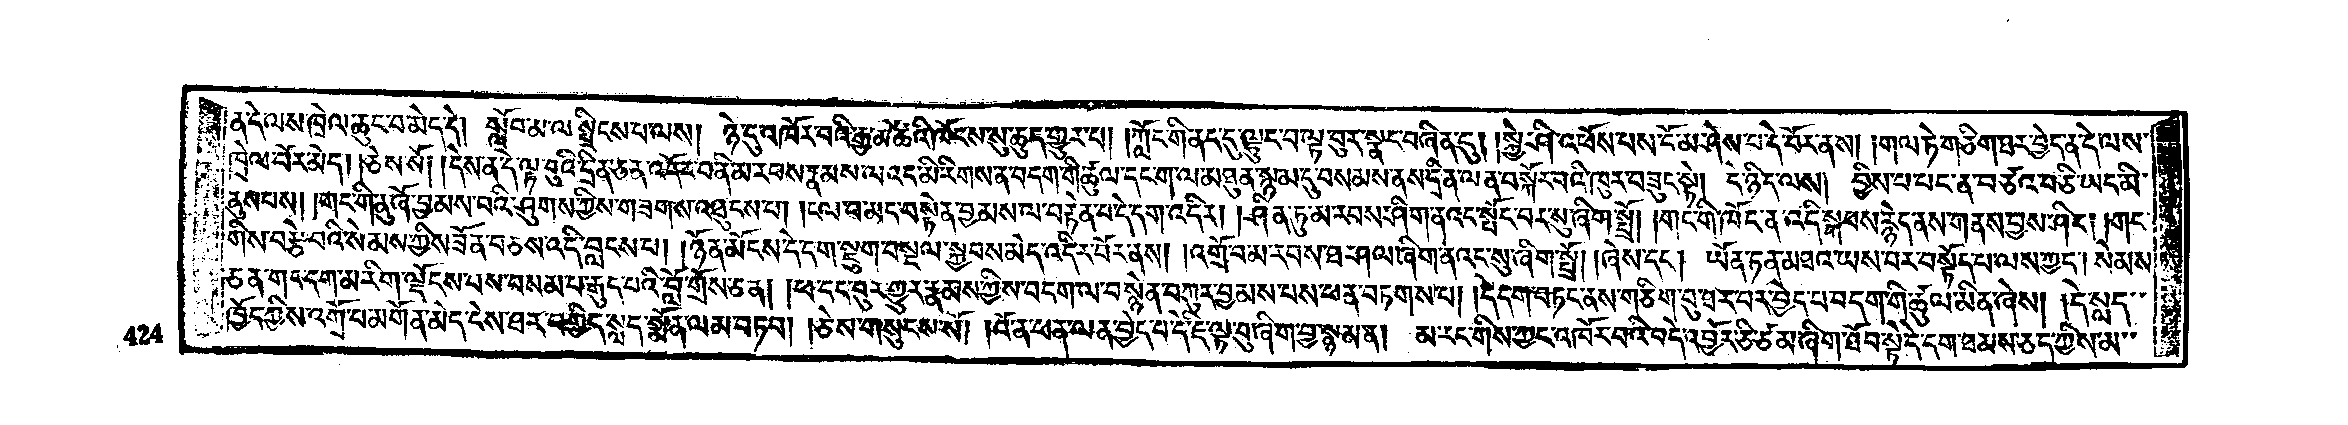ན་དེ་ལས་ཁྲེལ་ཆུང་བ་མེད་དེ། སློབ་མ་ལ་སྤྲིངས་པ་ལས། ཉེ་དུ་འཁོར་བའི་རྒྱ་མཚོའི་ཁོངས་སུ་ཆུད་གྱུར་པ། །ཀློང་གི་ནང་དུ་ལྷུང་བ་ལྟ་བུར་སྣང་བཞིན་དུ། །སྐྱེ་ཤི་འཕོས་པས་ངོ་མ་ཤེས་པ་དེ་བོར་ནས། །གལ་ཏེ་གཅིག་ཐར་བྱེད་ན་དེ་ལས་
ཁྲེལ་བོར་མེད། །ཅེས་སོ། །དེས་ན་དེ་ལྟ་བུའི་དྲིན་ཅན་འདོར་བ་ནི་མ་རབས་རྣམས་ལའང་མི་རིགས་ན་བདག་གི་ཚུལ་དང་ག་ལ་མཐུན་སྙམ་དུ་བསམས་ནས་དྲིན་ལན་བསྐོར་བའི་ཁུར་བཟུང་སྟེ། དེ་ཉིད་ལས། བྱིས་པ་པང་ན་བཙའ་བ་ཅི་ཡང་མི་
ནུས་པས། །གང་གི་ནུ་ཞོ་བྱམས་པའི་ཤུགས་ཀྱིས་གཟགས་འཐུངས་པ། །ངལ་བ་མང་བསྟེན་བྱམས་ལ་བརྟེན་པ་དེ་དག་འདིར། །ཤིན་ཏུ་མ་རབས་ཤིག་ནའང་སྤོང་བར་སུ་ཞིག་སྤྲོ། །གང་གི་ཁོང་ན་འདི་སྐབས་རྙེད་ནས་གནས་བྱས་ཤིང་། །གང་
གིས་བརྩེ་བའི་སེམས་ཀྱིས་ཟོན་བཅས་འདི་བླངས་པ། །ཉོན་མོངས་དེ་དག་སྡུག་བསྔལ་སྐྱབས་མེད་འདིར་བོར་ནས། །འགྲོ་བ་མ་རབས་ཐ་ཤལ་ཞིག་ནའང་སུ་ཞིག་སྤྲོ། །ཞེས་དང་། ཡོན་ཏན་མཐའ་ཡས་པར་བསྟོད་པ་ལས་ཀྱང་། སེམས་
ཅན་གང་དག་མ་རིག་ལྡོངས་བས་བསམ་པ་རྒུད་པའི་བློ་གྲོས་ཅན། །ཕ་དང་བུར་གྱུར་རྣམས་ཀྱིས་བདག་ལ་བསྙེན་བཀུར་བྱམས་པས་ཕན་བཏགས་པ། །དེ་དག་བཏང་ནས་གཅིག་པུ་ཐར་བར་བྱེད་པ་བདག་གི་ཚུལ་མིན་ཞེས། །དེ་སླད་
ཁྱོད་ཀྱིས་འགྲོ་བ་མགོན་མེད་ངེས་ཐར་བགྱིད་སླད་སྨོན་ལམ་བཏབ། །ཅེས་གསུངས་སོ། །འོ་ན་ཕན་ལན་བྱེད་པ་དེ་ཇི་ལྟ་བུ་ཞིག་བྱ་སྙམ་ན། མ་རང་གིས་ཀྱང་འཁོར་བའི་བདེ་འབྱོར་ཅི་ཙམ་ཞིག་ཐོབ་སྟེ་དེ་དག་ཐམས་ཅད་ཀྱིས་མ་